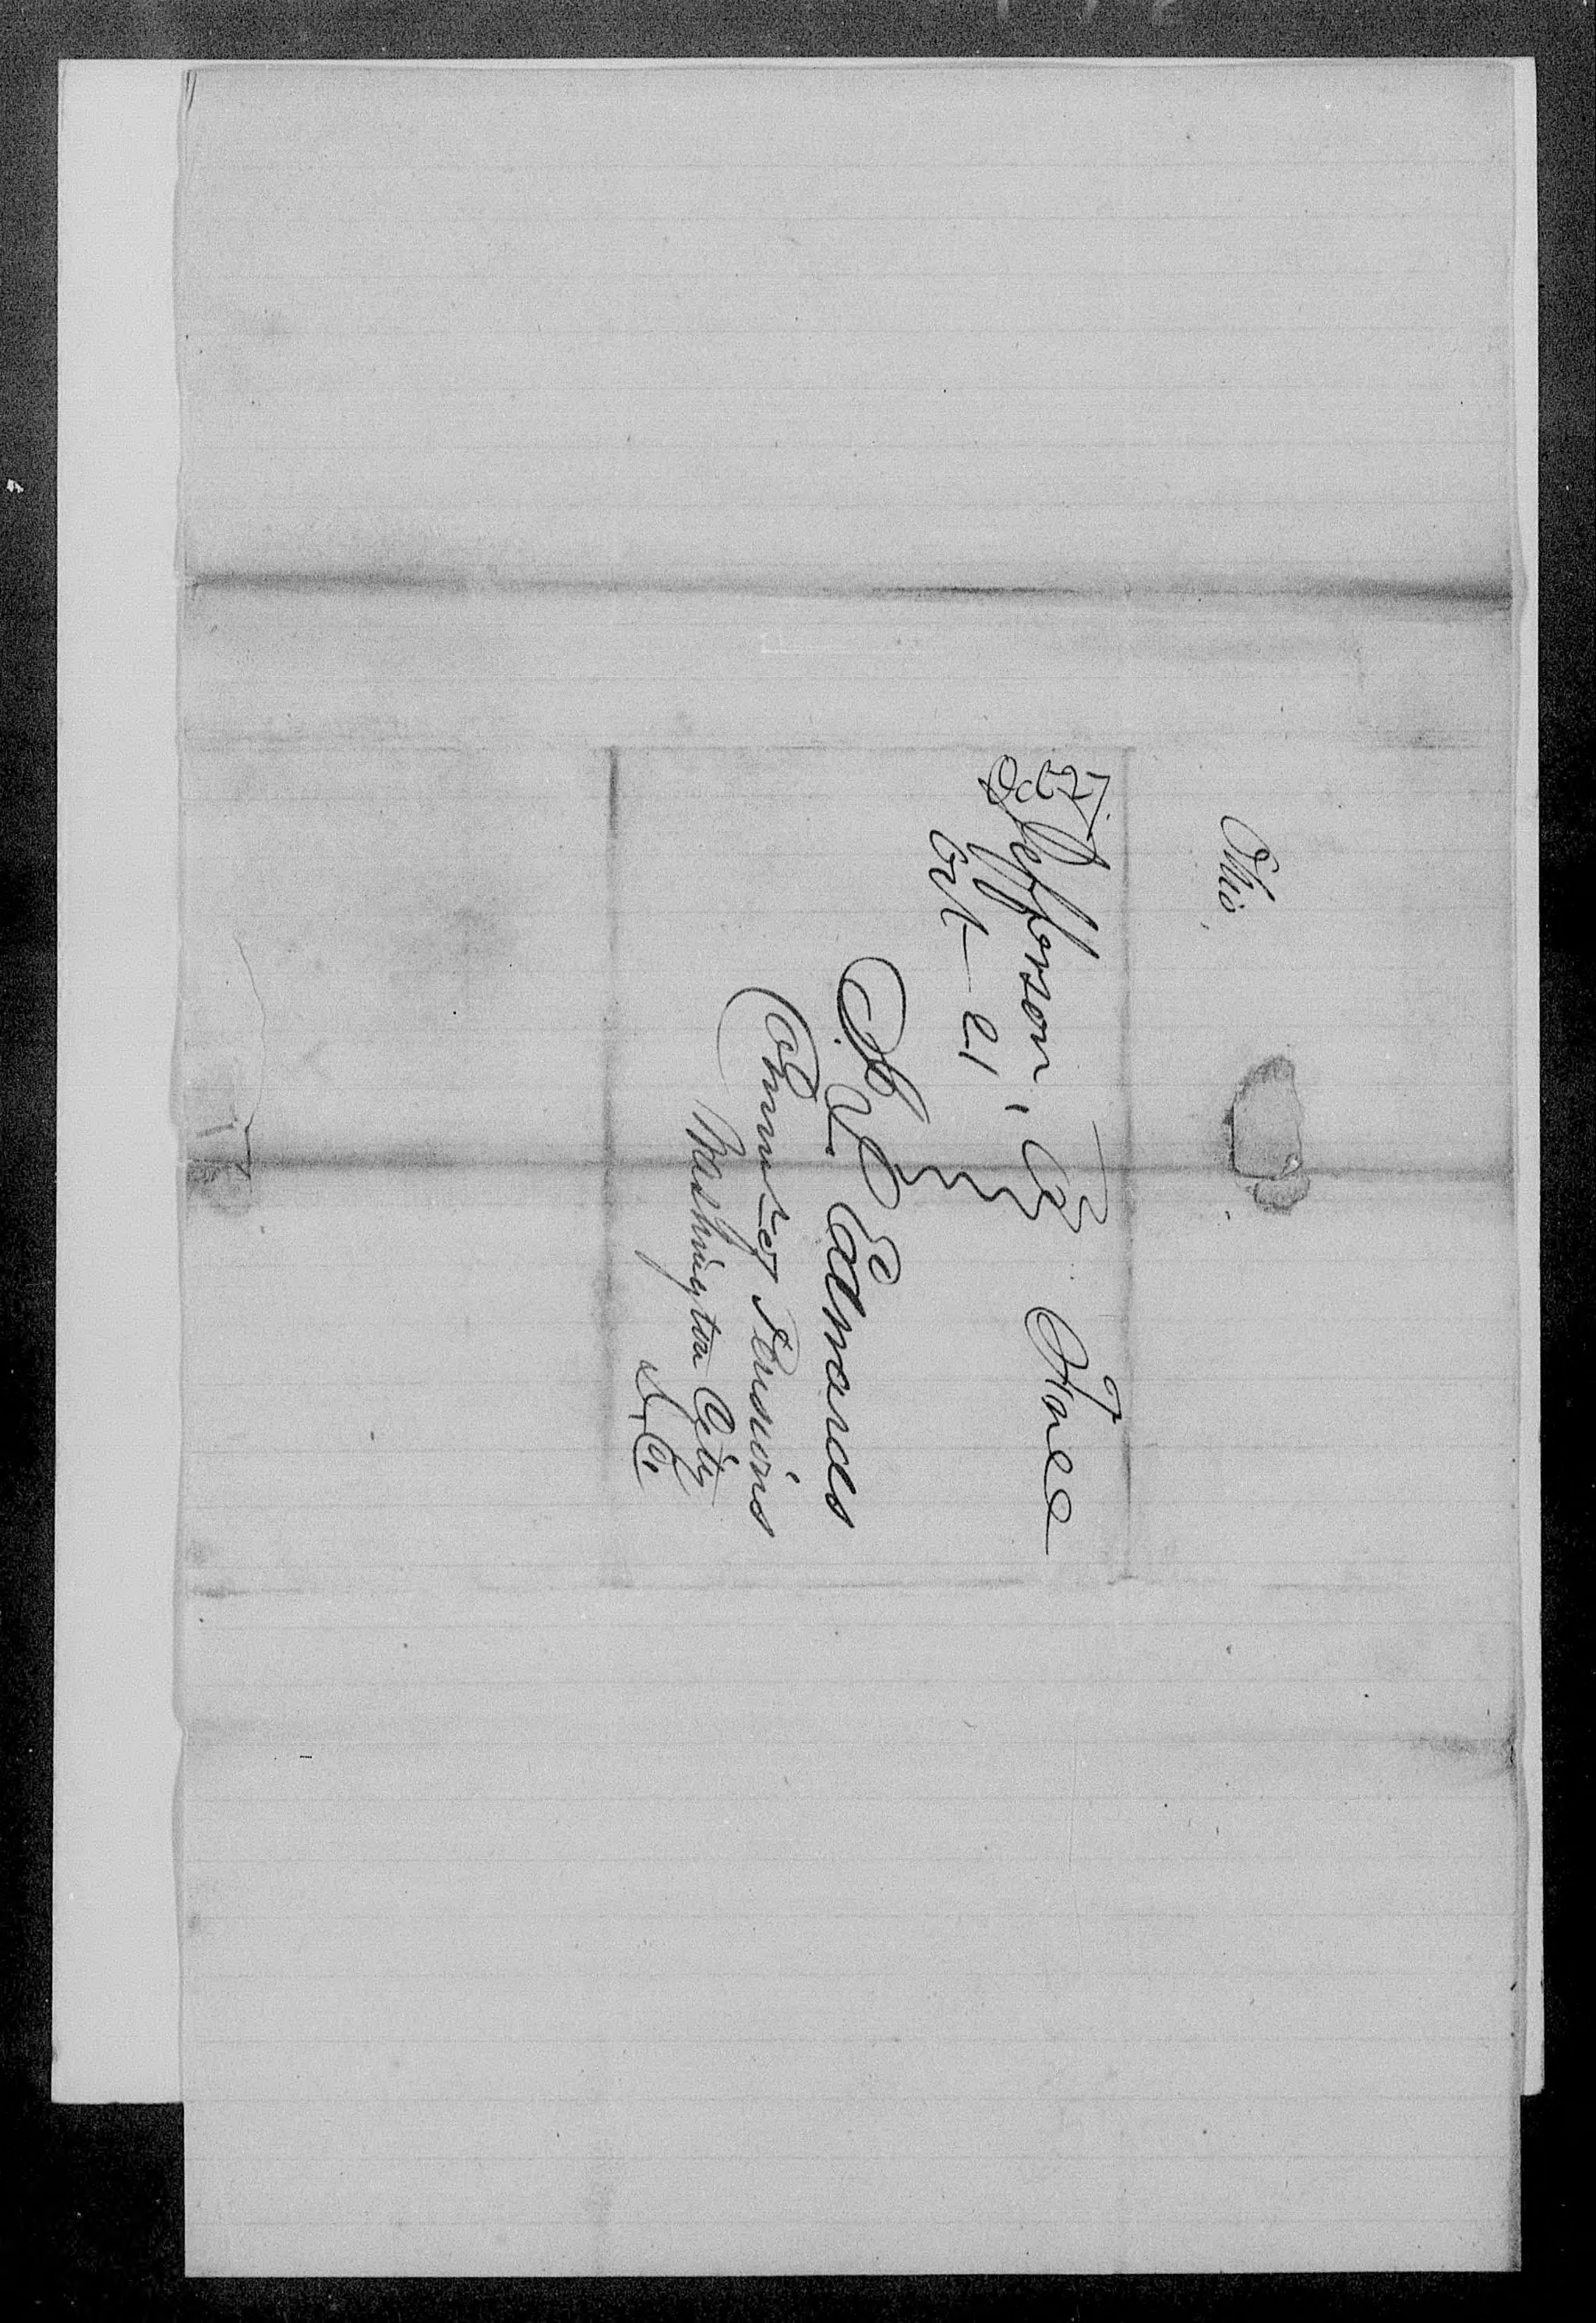Ohio
Oct 27
Jefferson Oct 21
Free
J L. Edwards  
Commissioner of Pensions  
Washington  City D.C.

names: J L Edwards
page: 24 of 35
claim: rejected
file: R. 501, Phineas Barker, Conn. Privateer